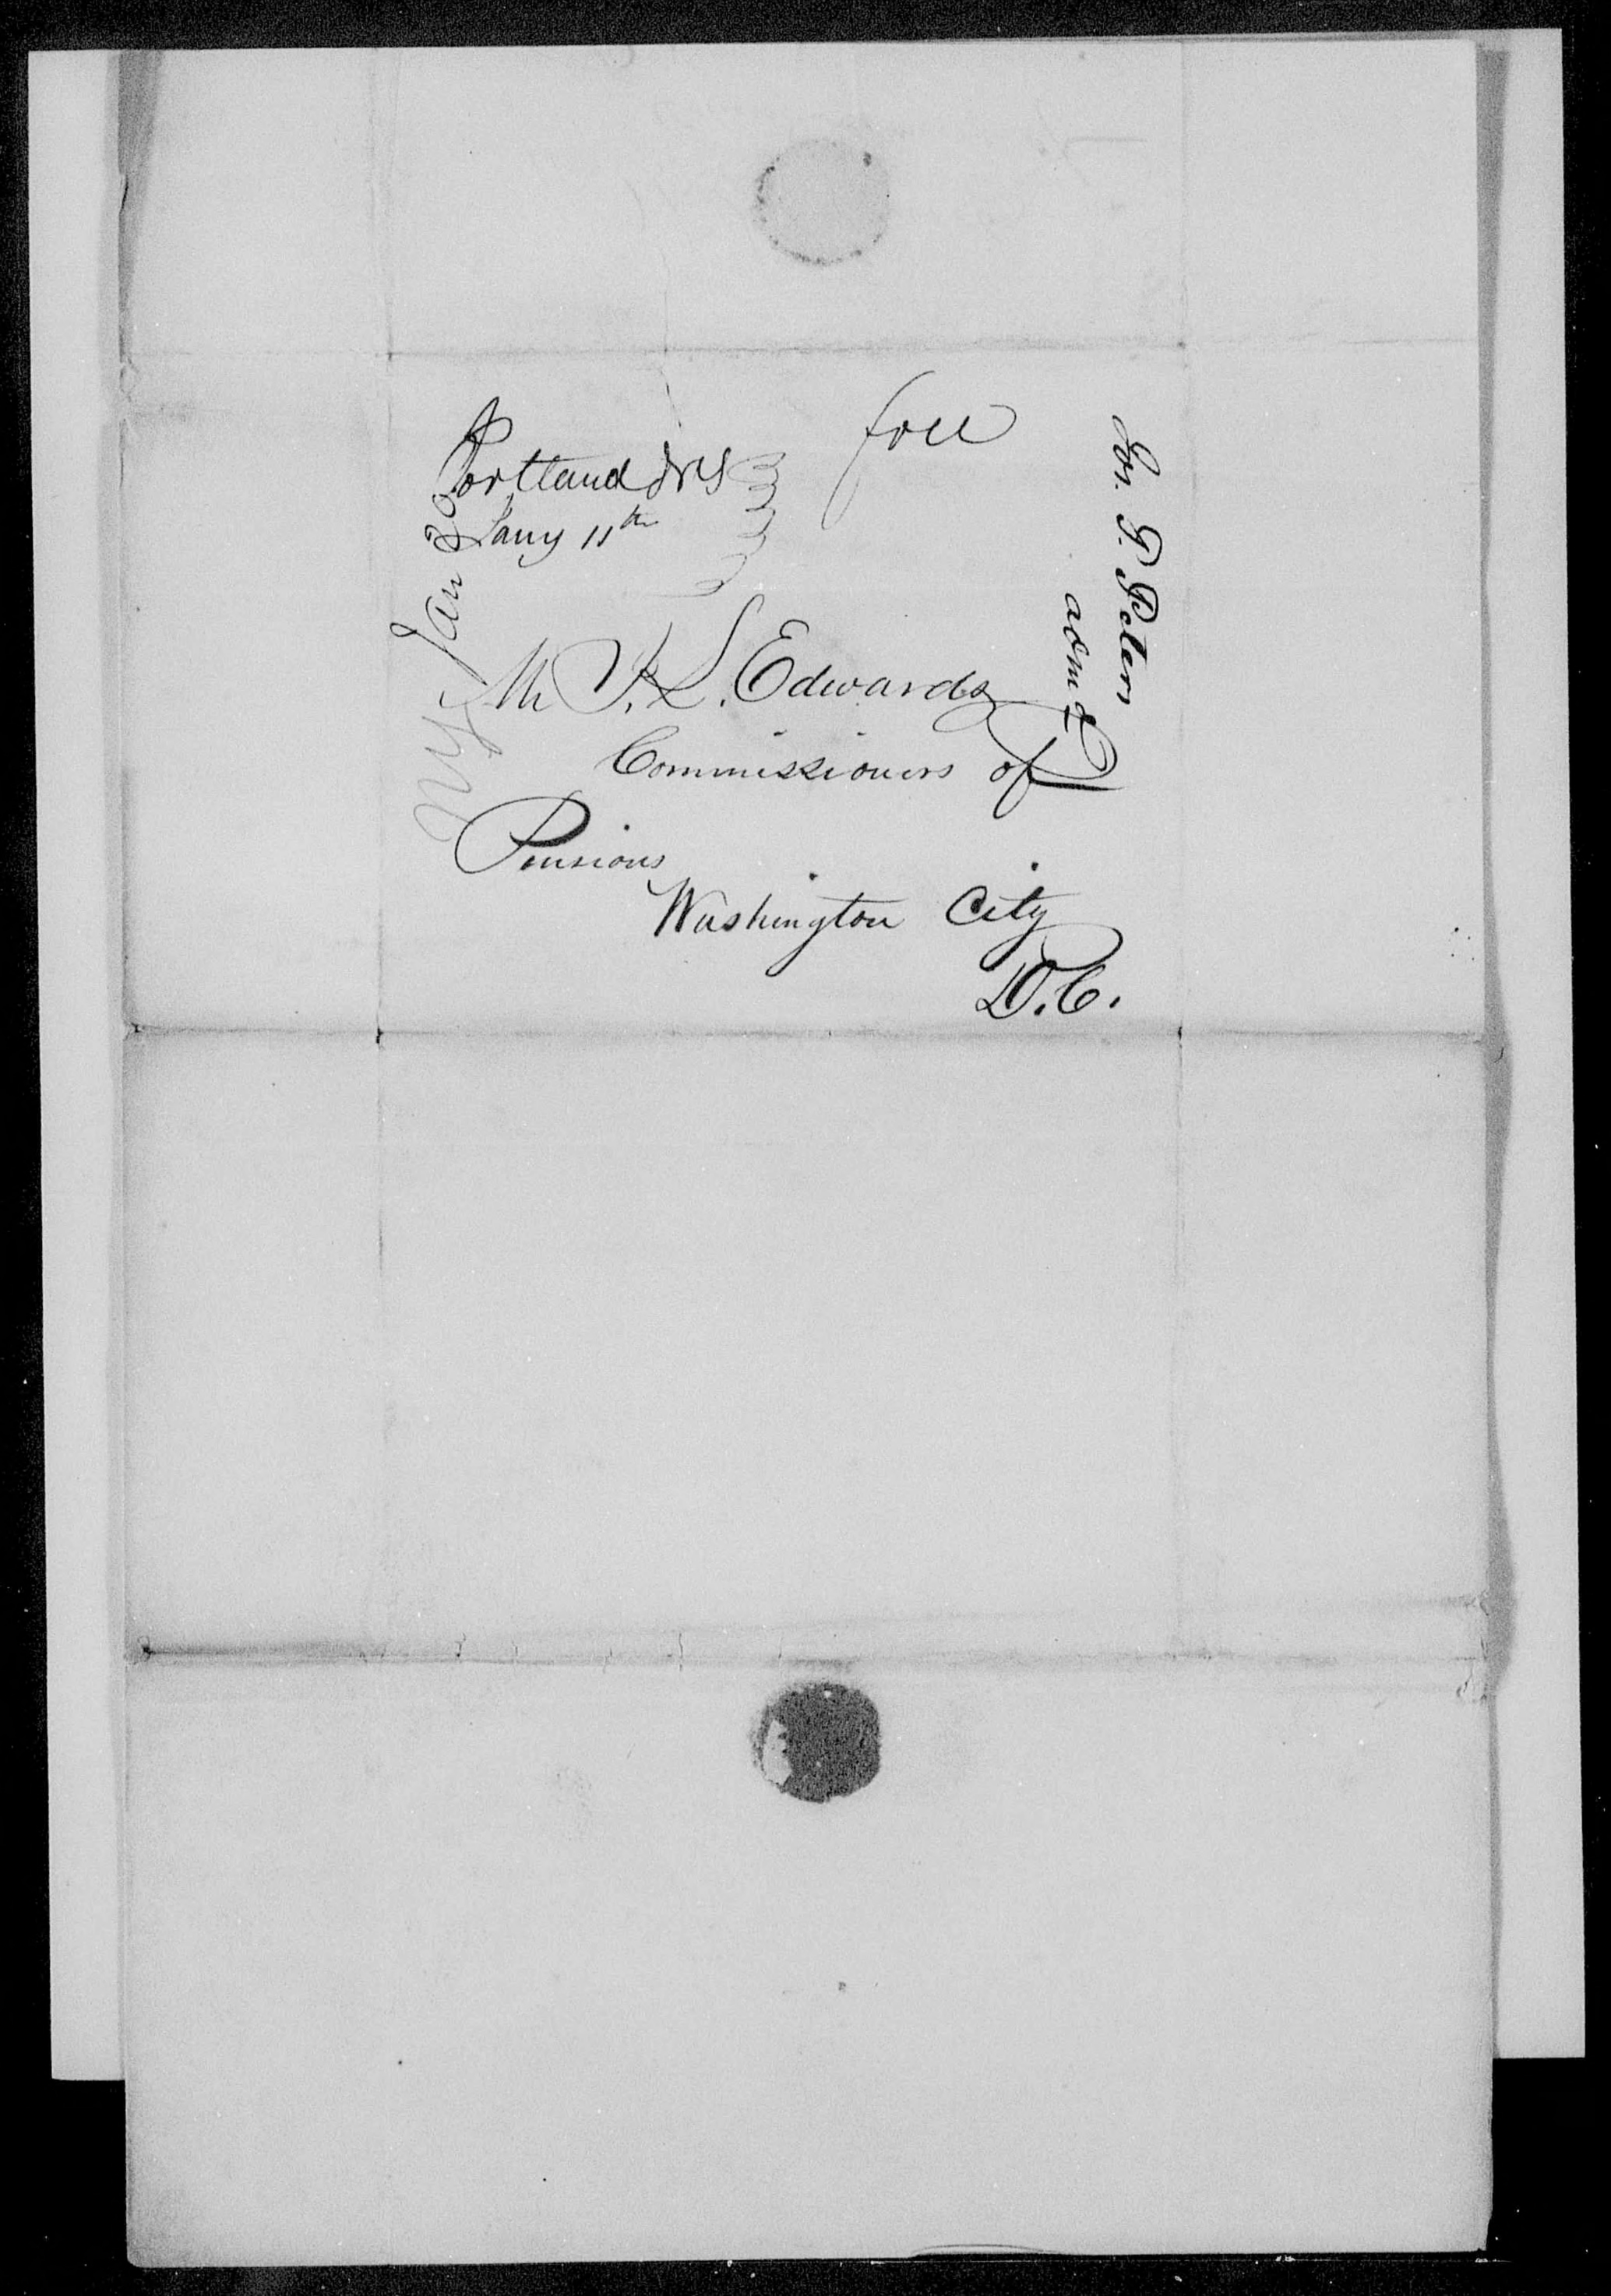Portland NY
Jany 11th 
NY Jan 20
FREE
Jos P. Peters
Admd [admitted]
Mr. J. L. Edwards
Commissioner of Pensions 
Washington City D. C.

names: J L Edwards; Jos P Peters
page: 62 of 73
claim: widow's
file: W. 2338, for Joseph P Peters, Connecticut